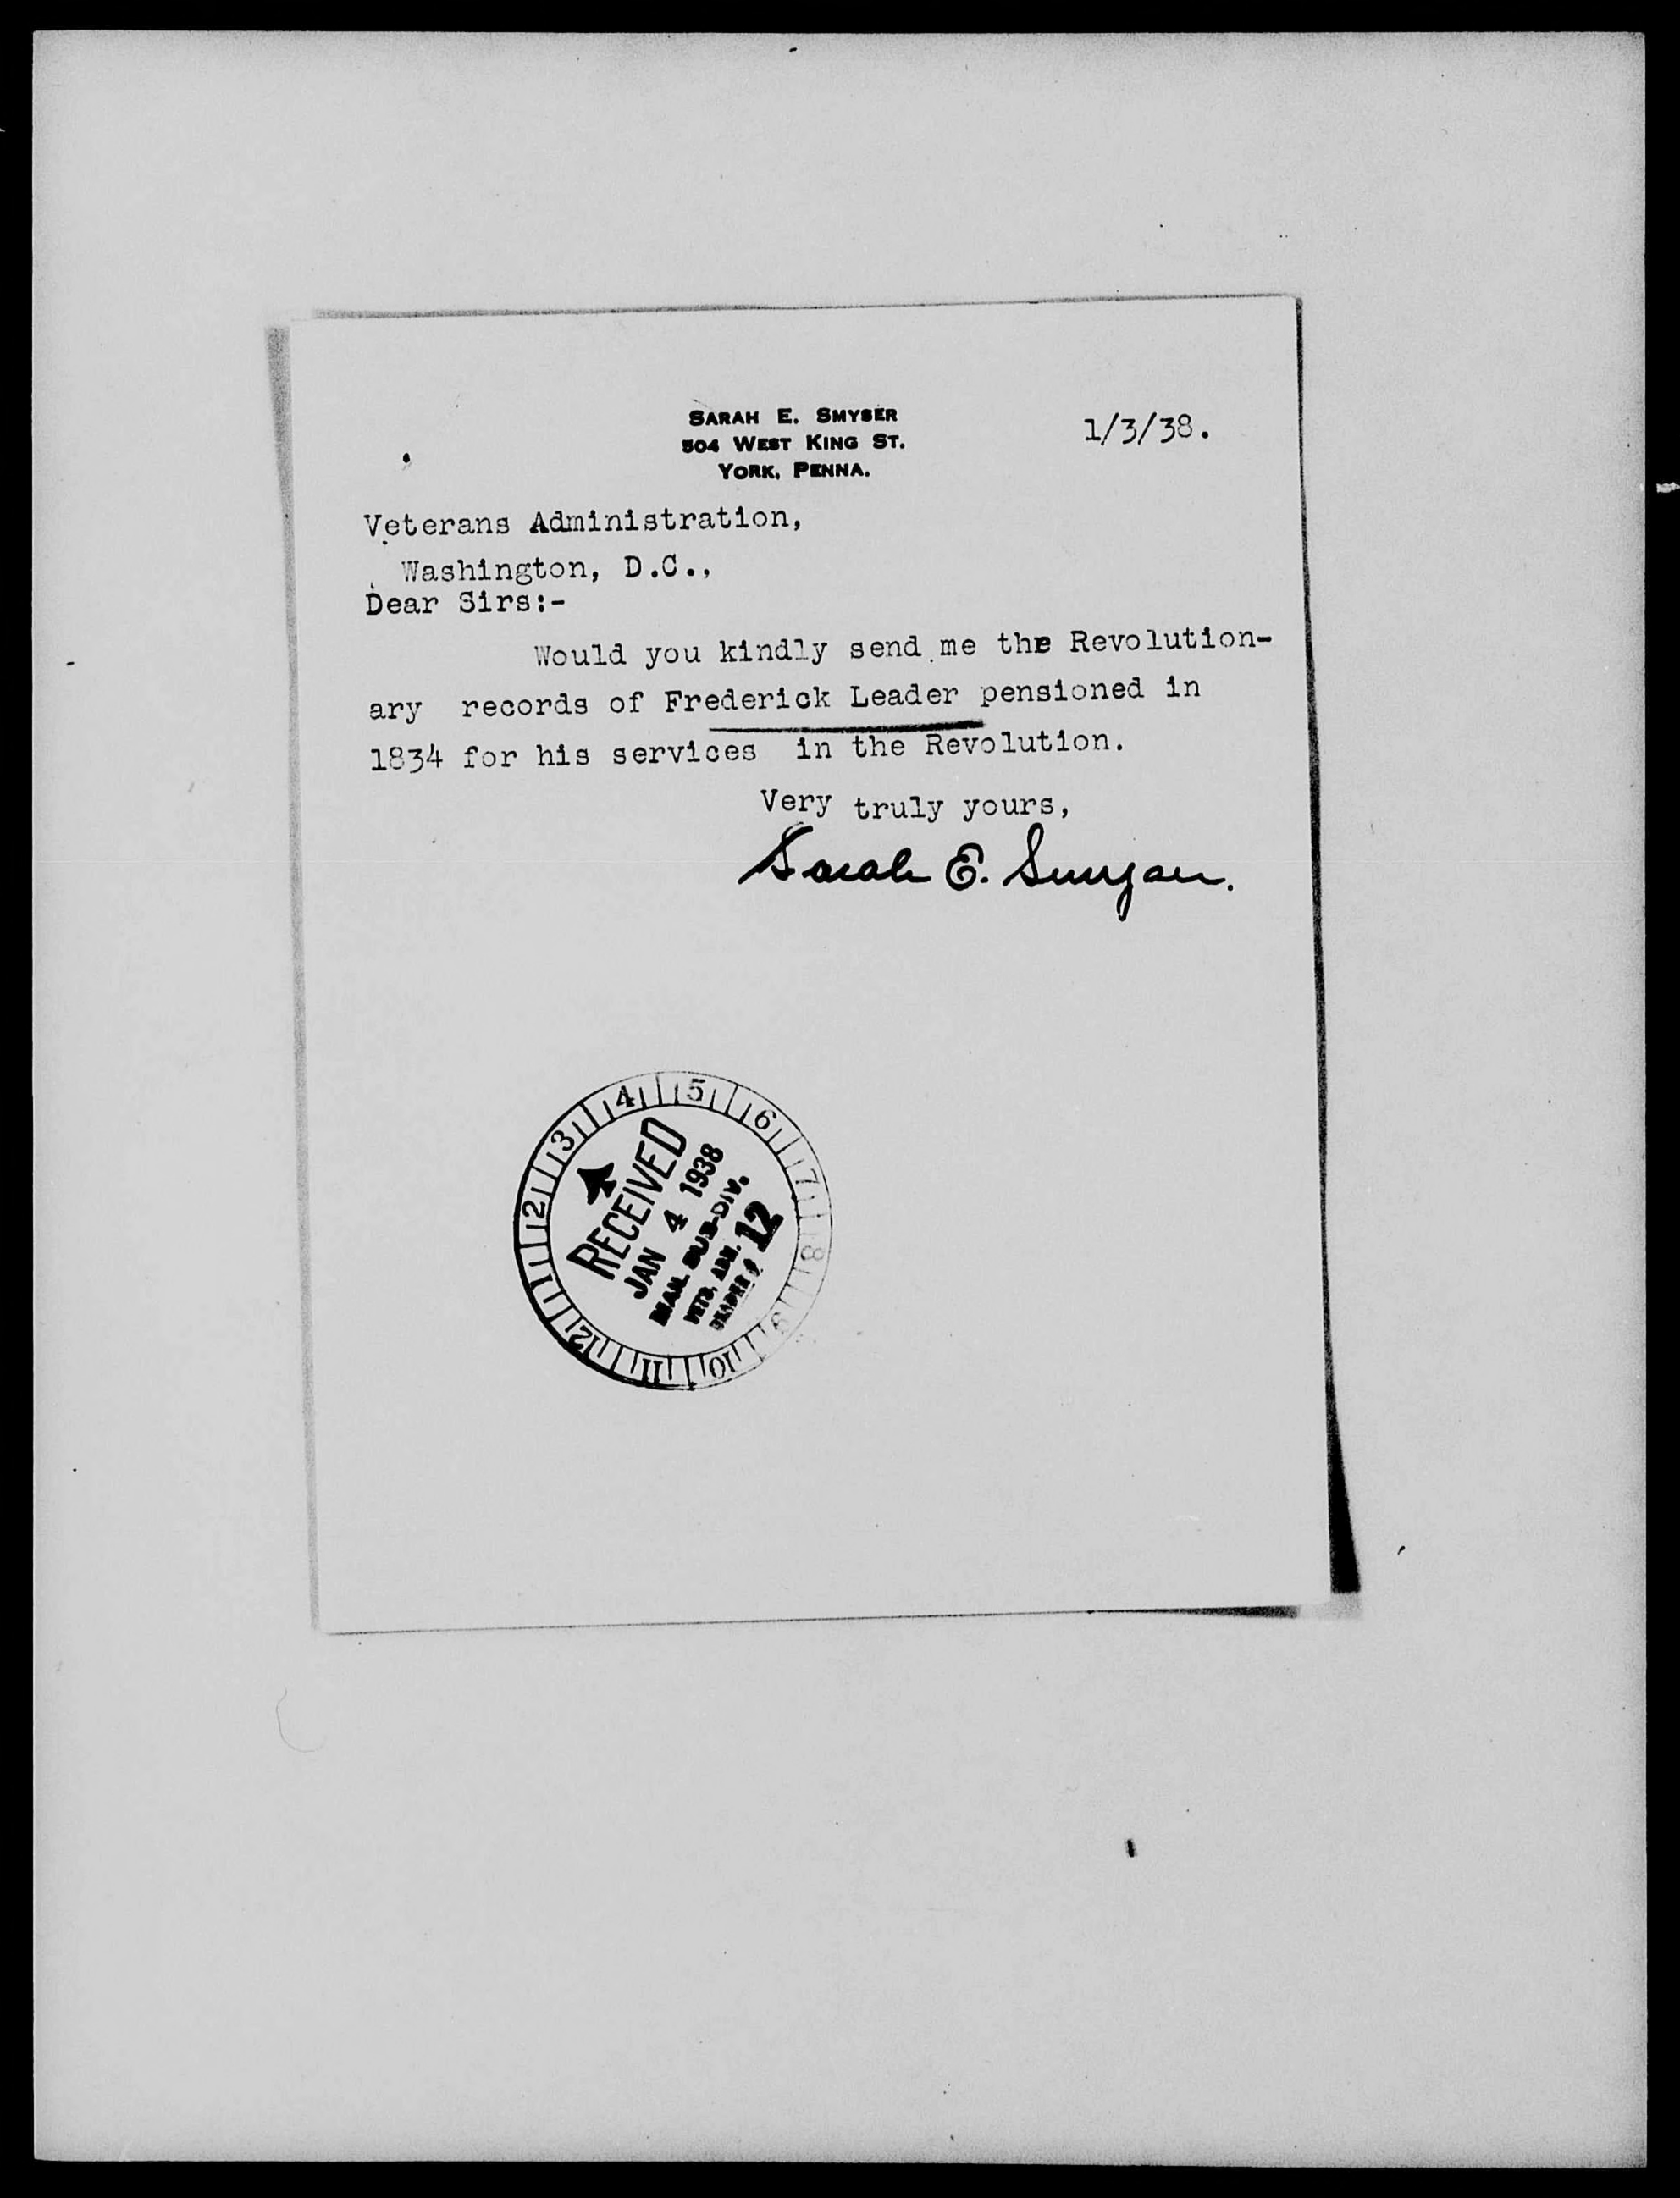SARAH E. SMYSER
504 WEST KING ST.
YORK, PENNA. 

1/3/38.

Veterans Administration,
Washington, D. C.,
Dear Sirs:-

Would you kindly send me the Revolutionary records of Frederick Leader pensioned in 1834 for his services in the Revolution.

Very truly yours,

[handwritten] Sarah E. Smyser.

[stamped]
RECIEVED
JAN 4 1938
MAIL SUB-DIV
VETS ADM.
READER # 12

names: Frederick Leader; Sarah E Smyser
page: 28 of 36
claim: widow's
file: W. 4478, for Frederick Leader, Pennsylvania